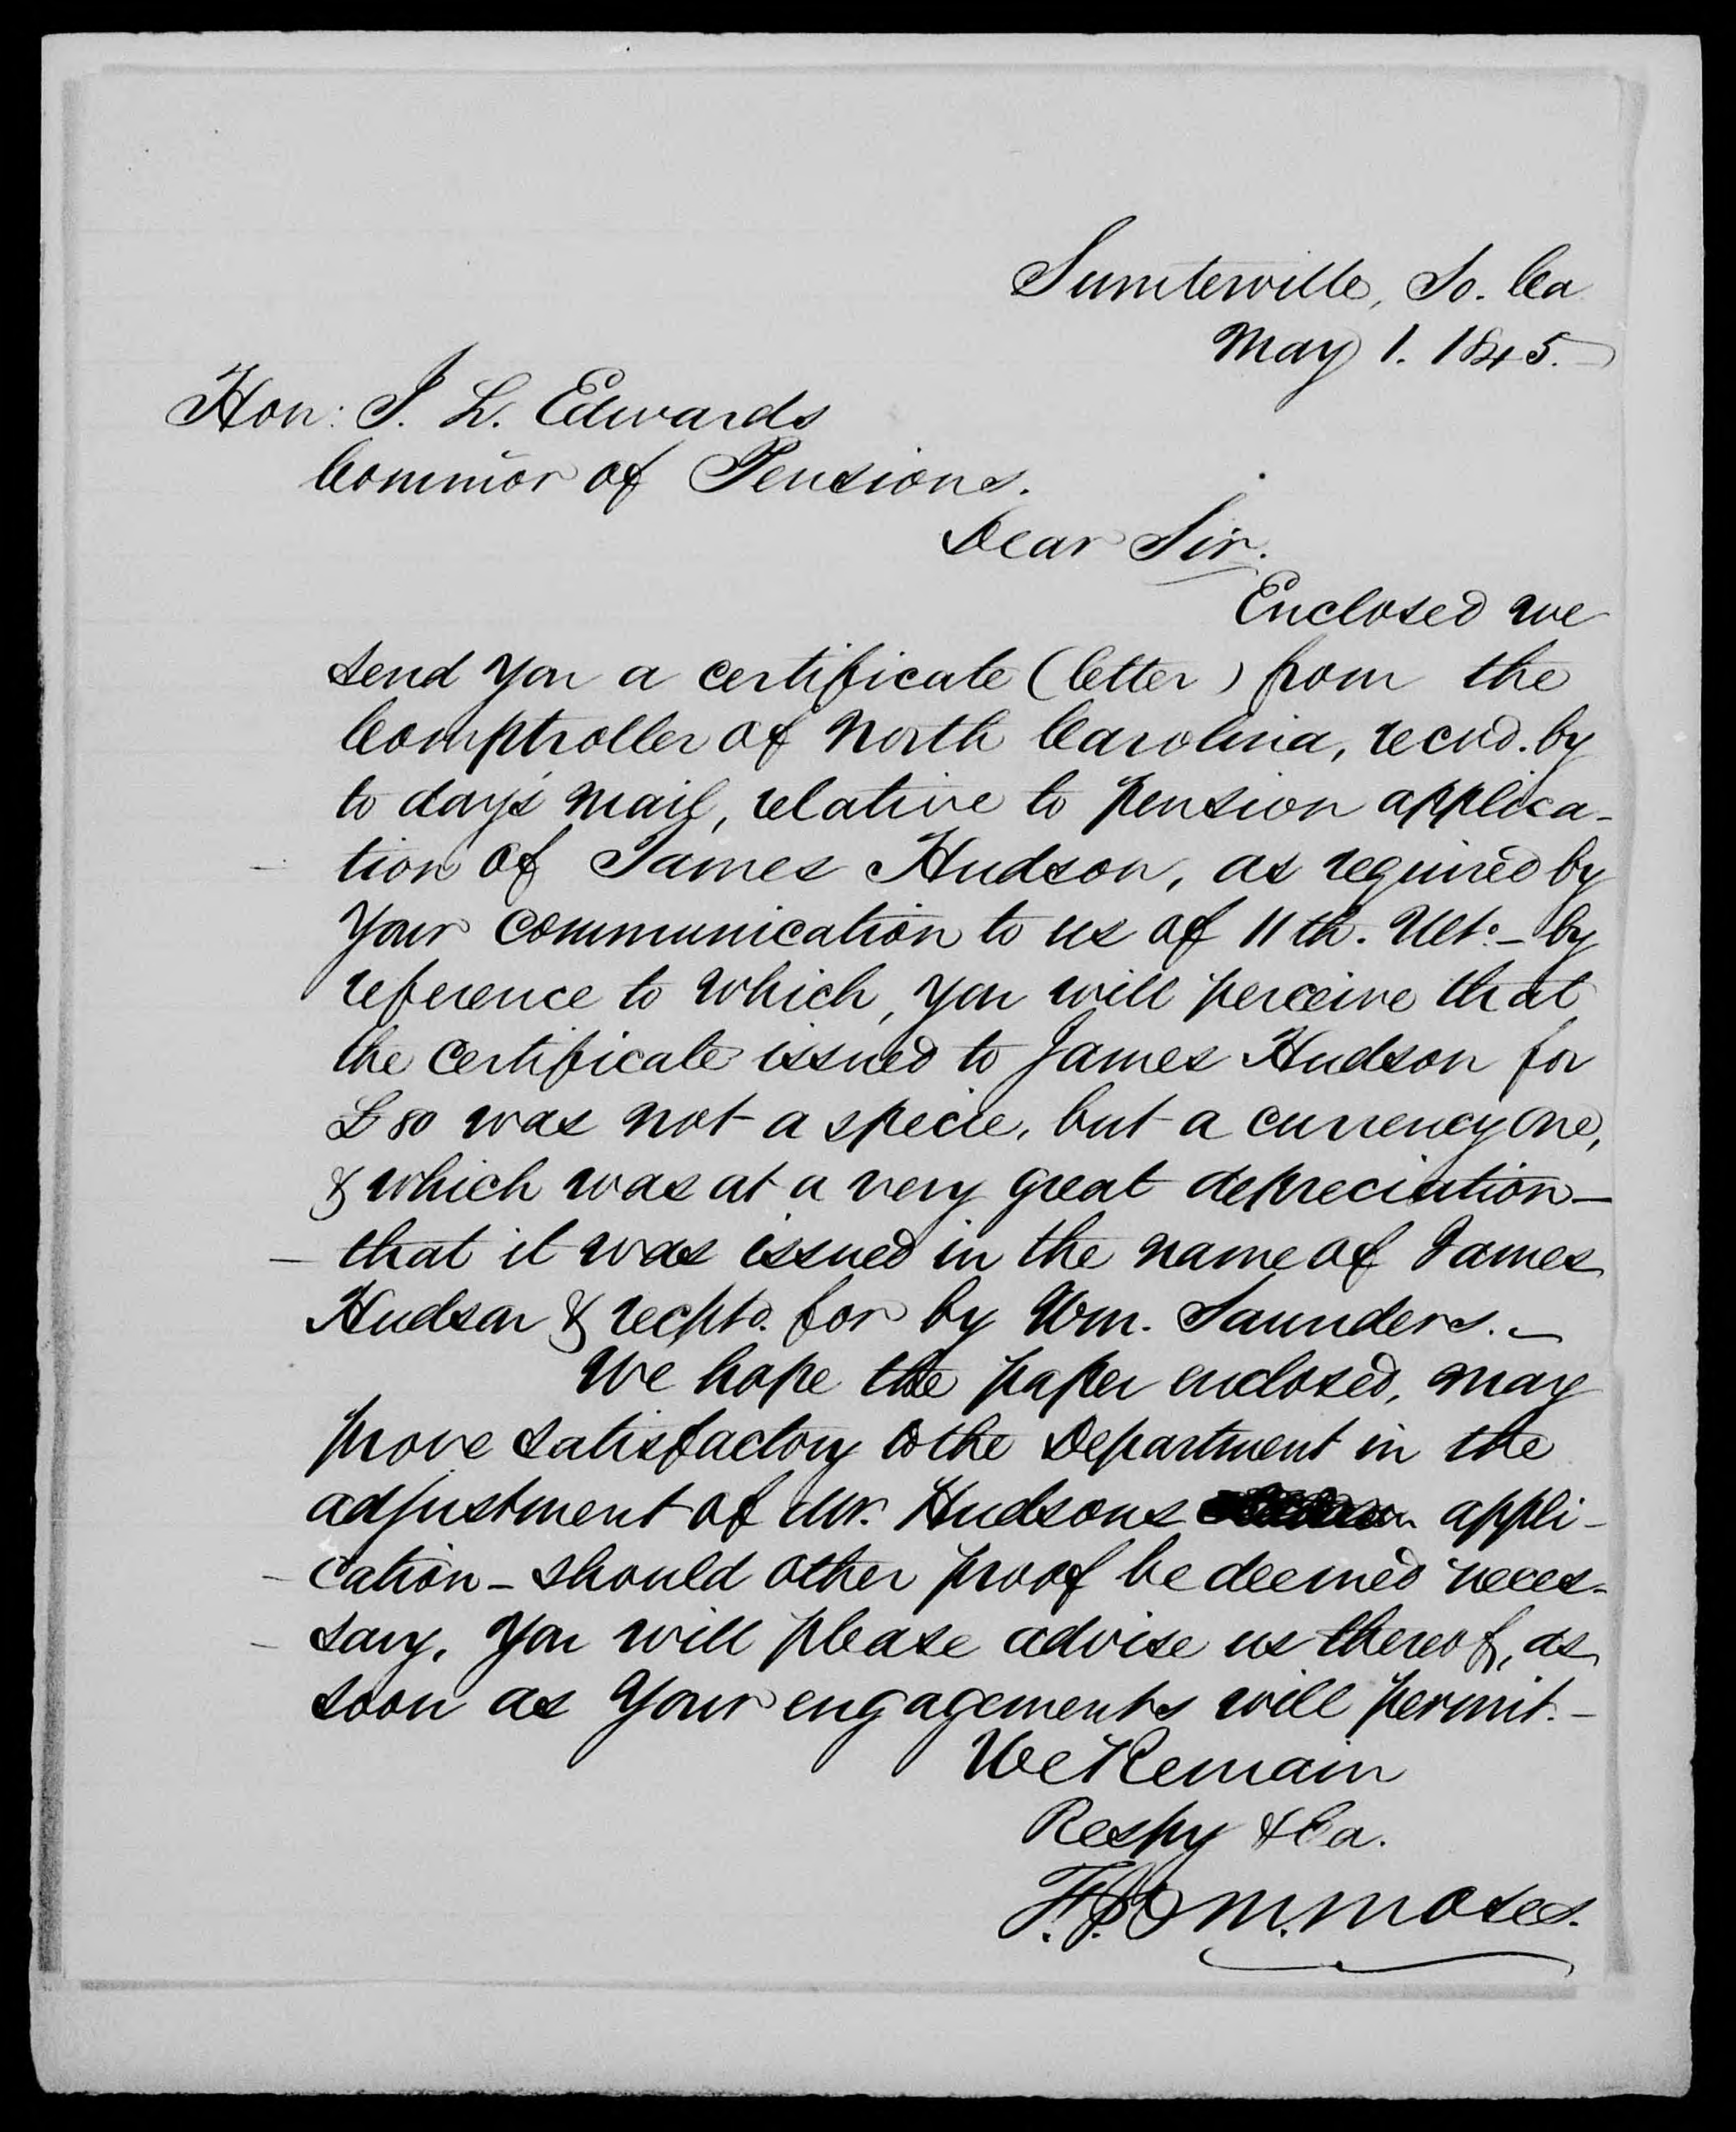Sumterville, So. Ca
May 1, 1845
Hon. J. L. Edwards
Commisr of Pensions
Dear Sir,
Enclosed we send you a certificate (letter) from the Comptroller of North Carolina, recud. by today's mail, relative to pension application of James Hudson, as required by your communications to us of 11th. [...]- by reference to which you will receive that the certificate issued to James Hudson for Lso was not a specie, but a currency one & which was at a very great depreciation- that it was issued in the name of James Hudson + [...] for by Wm Saunders.
We hope the paper enclosed, may move satisfactory to the Department in the adjustment of Mr. Hudsons application. Should other proof be deemed necessary, you will please advise us thereof, as soon as your engagements will permit.
We Remain Respy. Ha.
F. J. M. Moses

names: James Hudson, J L Edwards, Wm Saunders, F J M Moses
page: 30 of 33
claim: rejected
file: R. 5334, James Hudson, N.C.